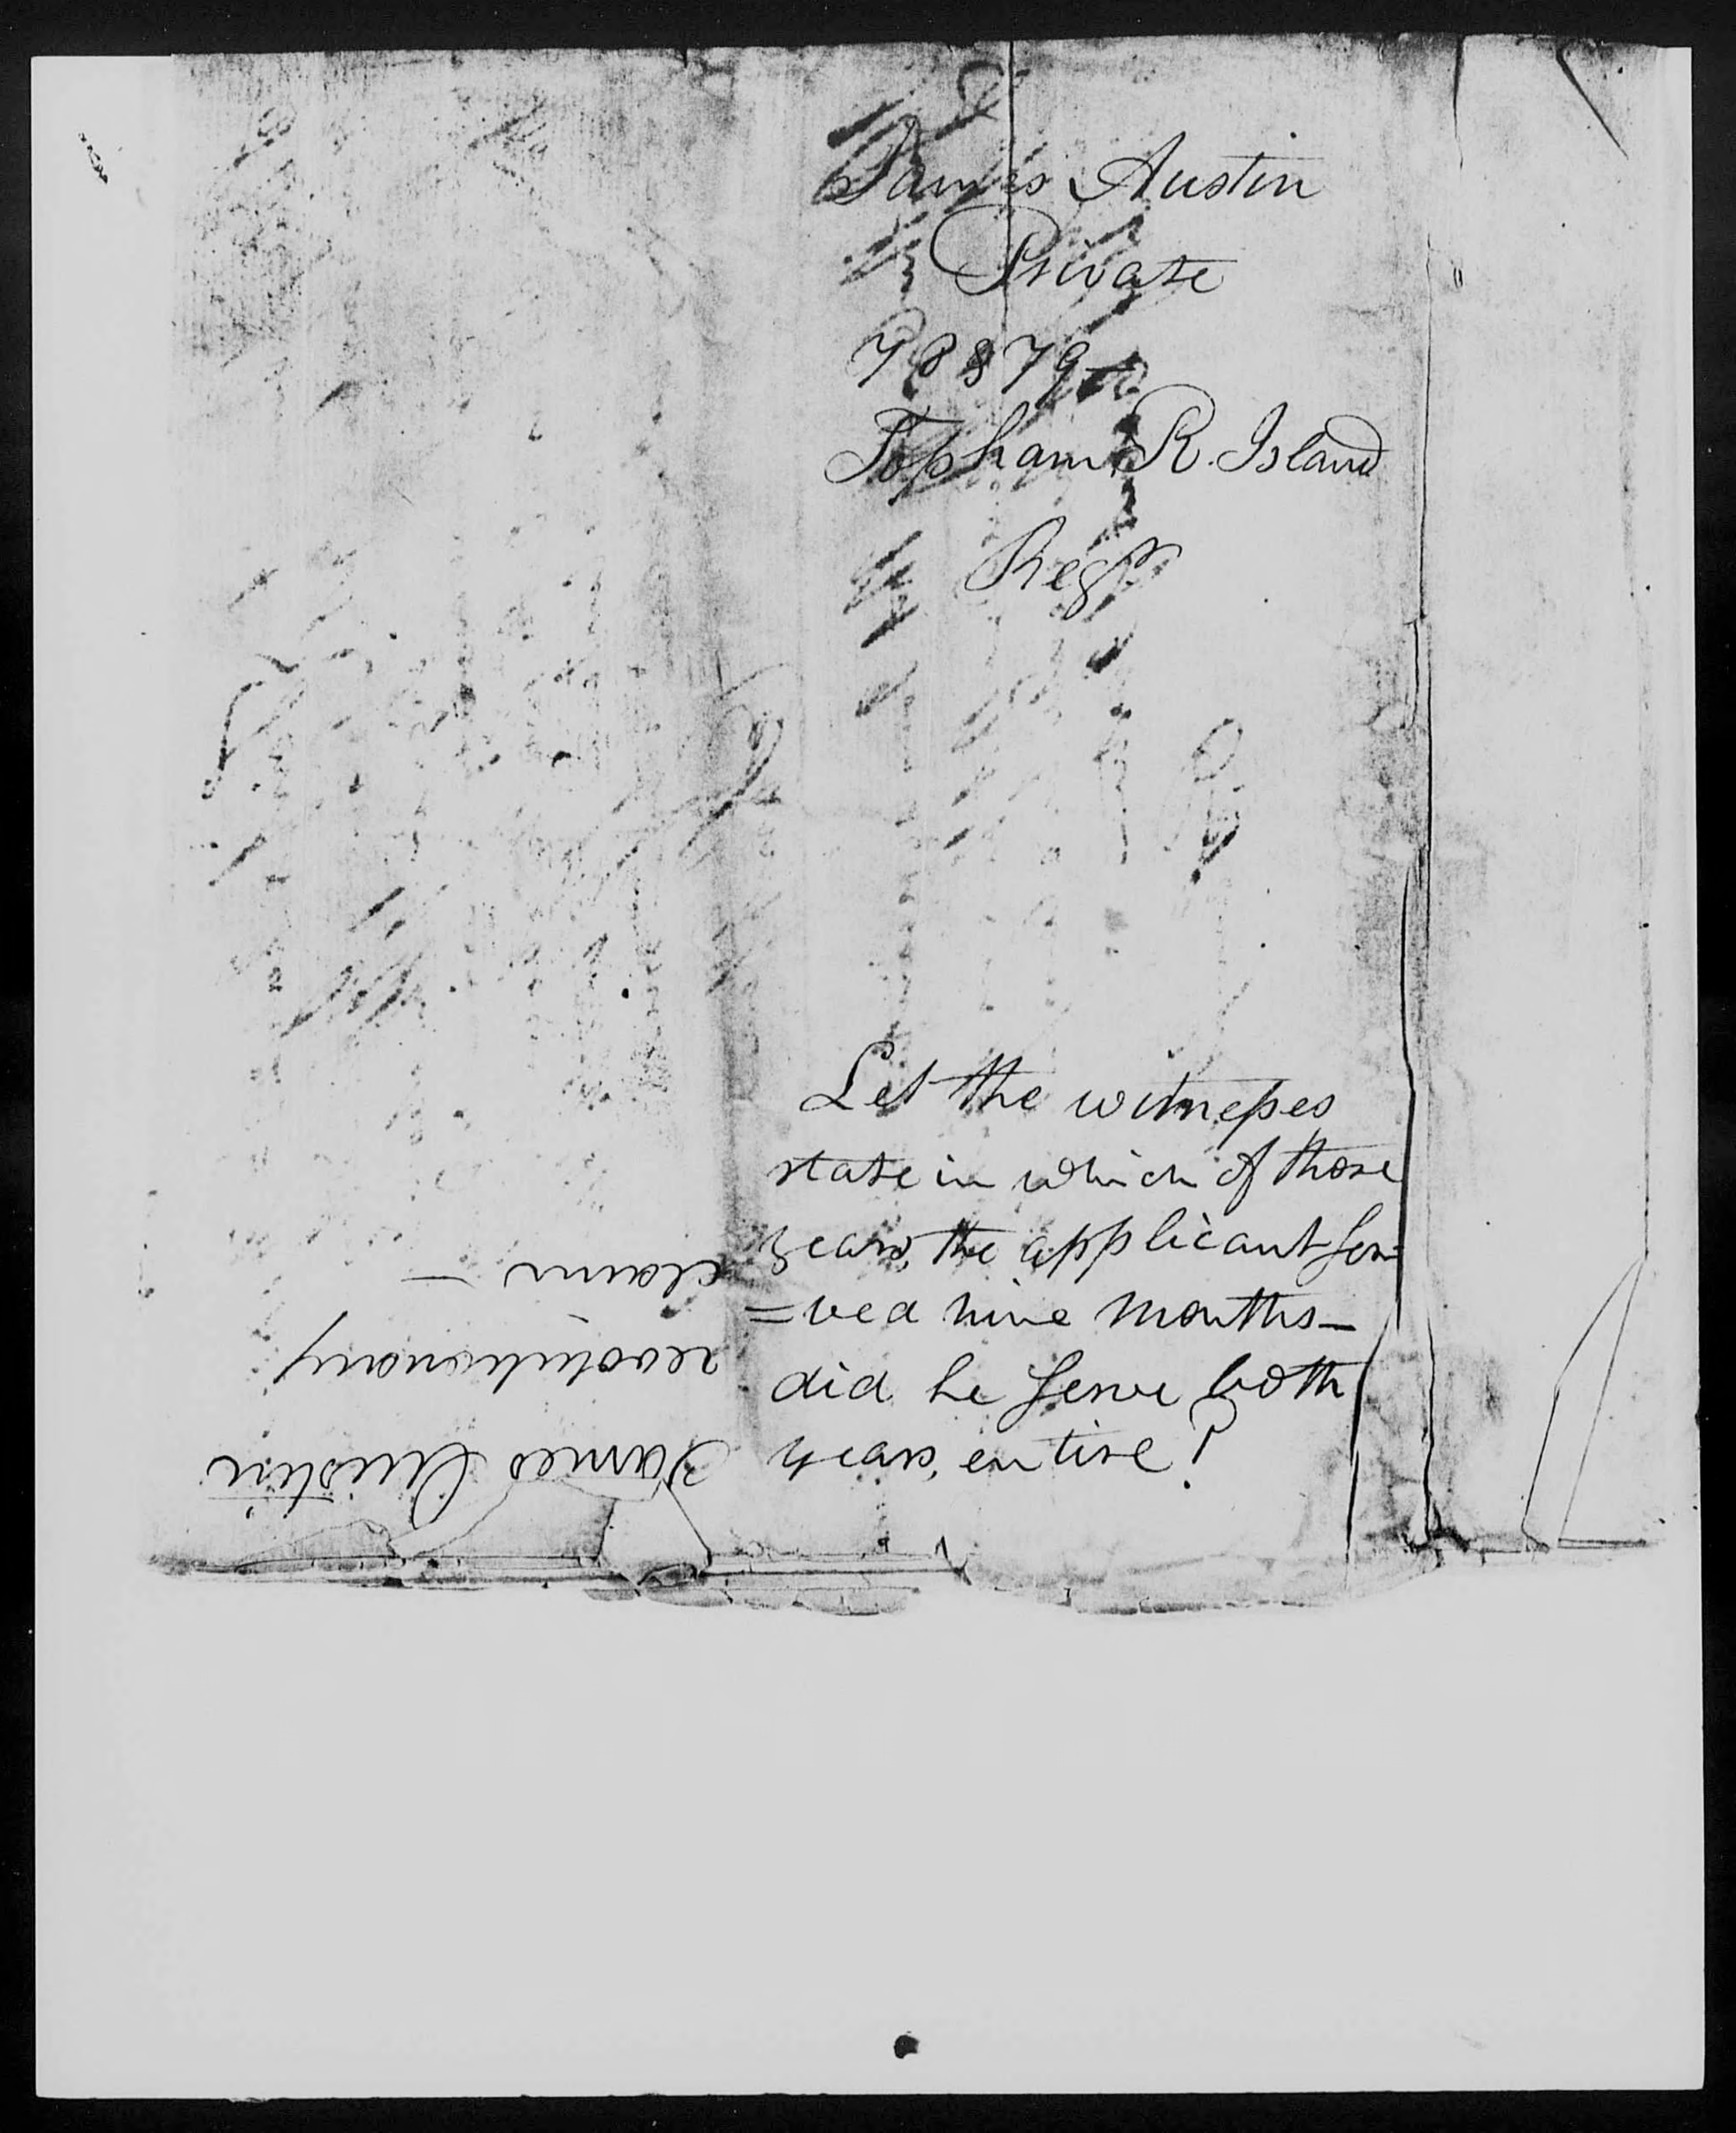James Austin
Private 
78879
Topham R. Island
Reg
Let the witnesses state in which of those years the applicant served nine months -
did he serve both years entire?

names: James Austin, James Austin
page: 47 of 100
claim: survivor's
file: S 19186, James Austin, Conn. New York R.I.